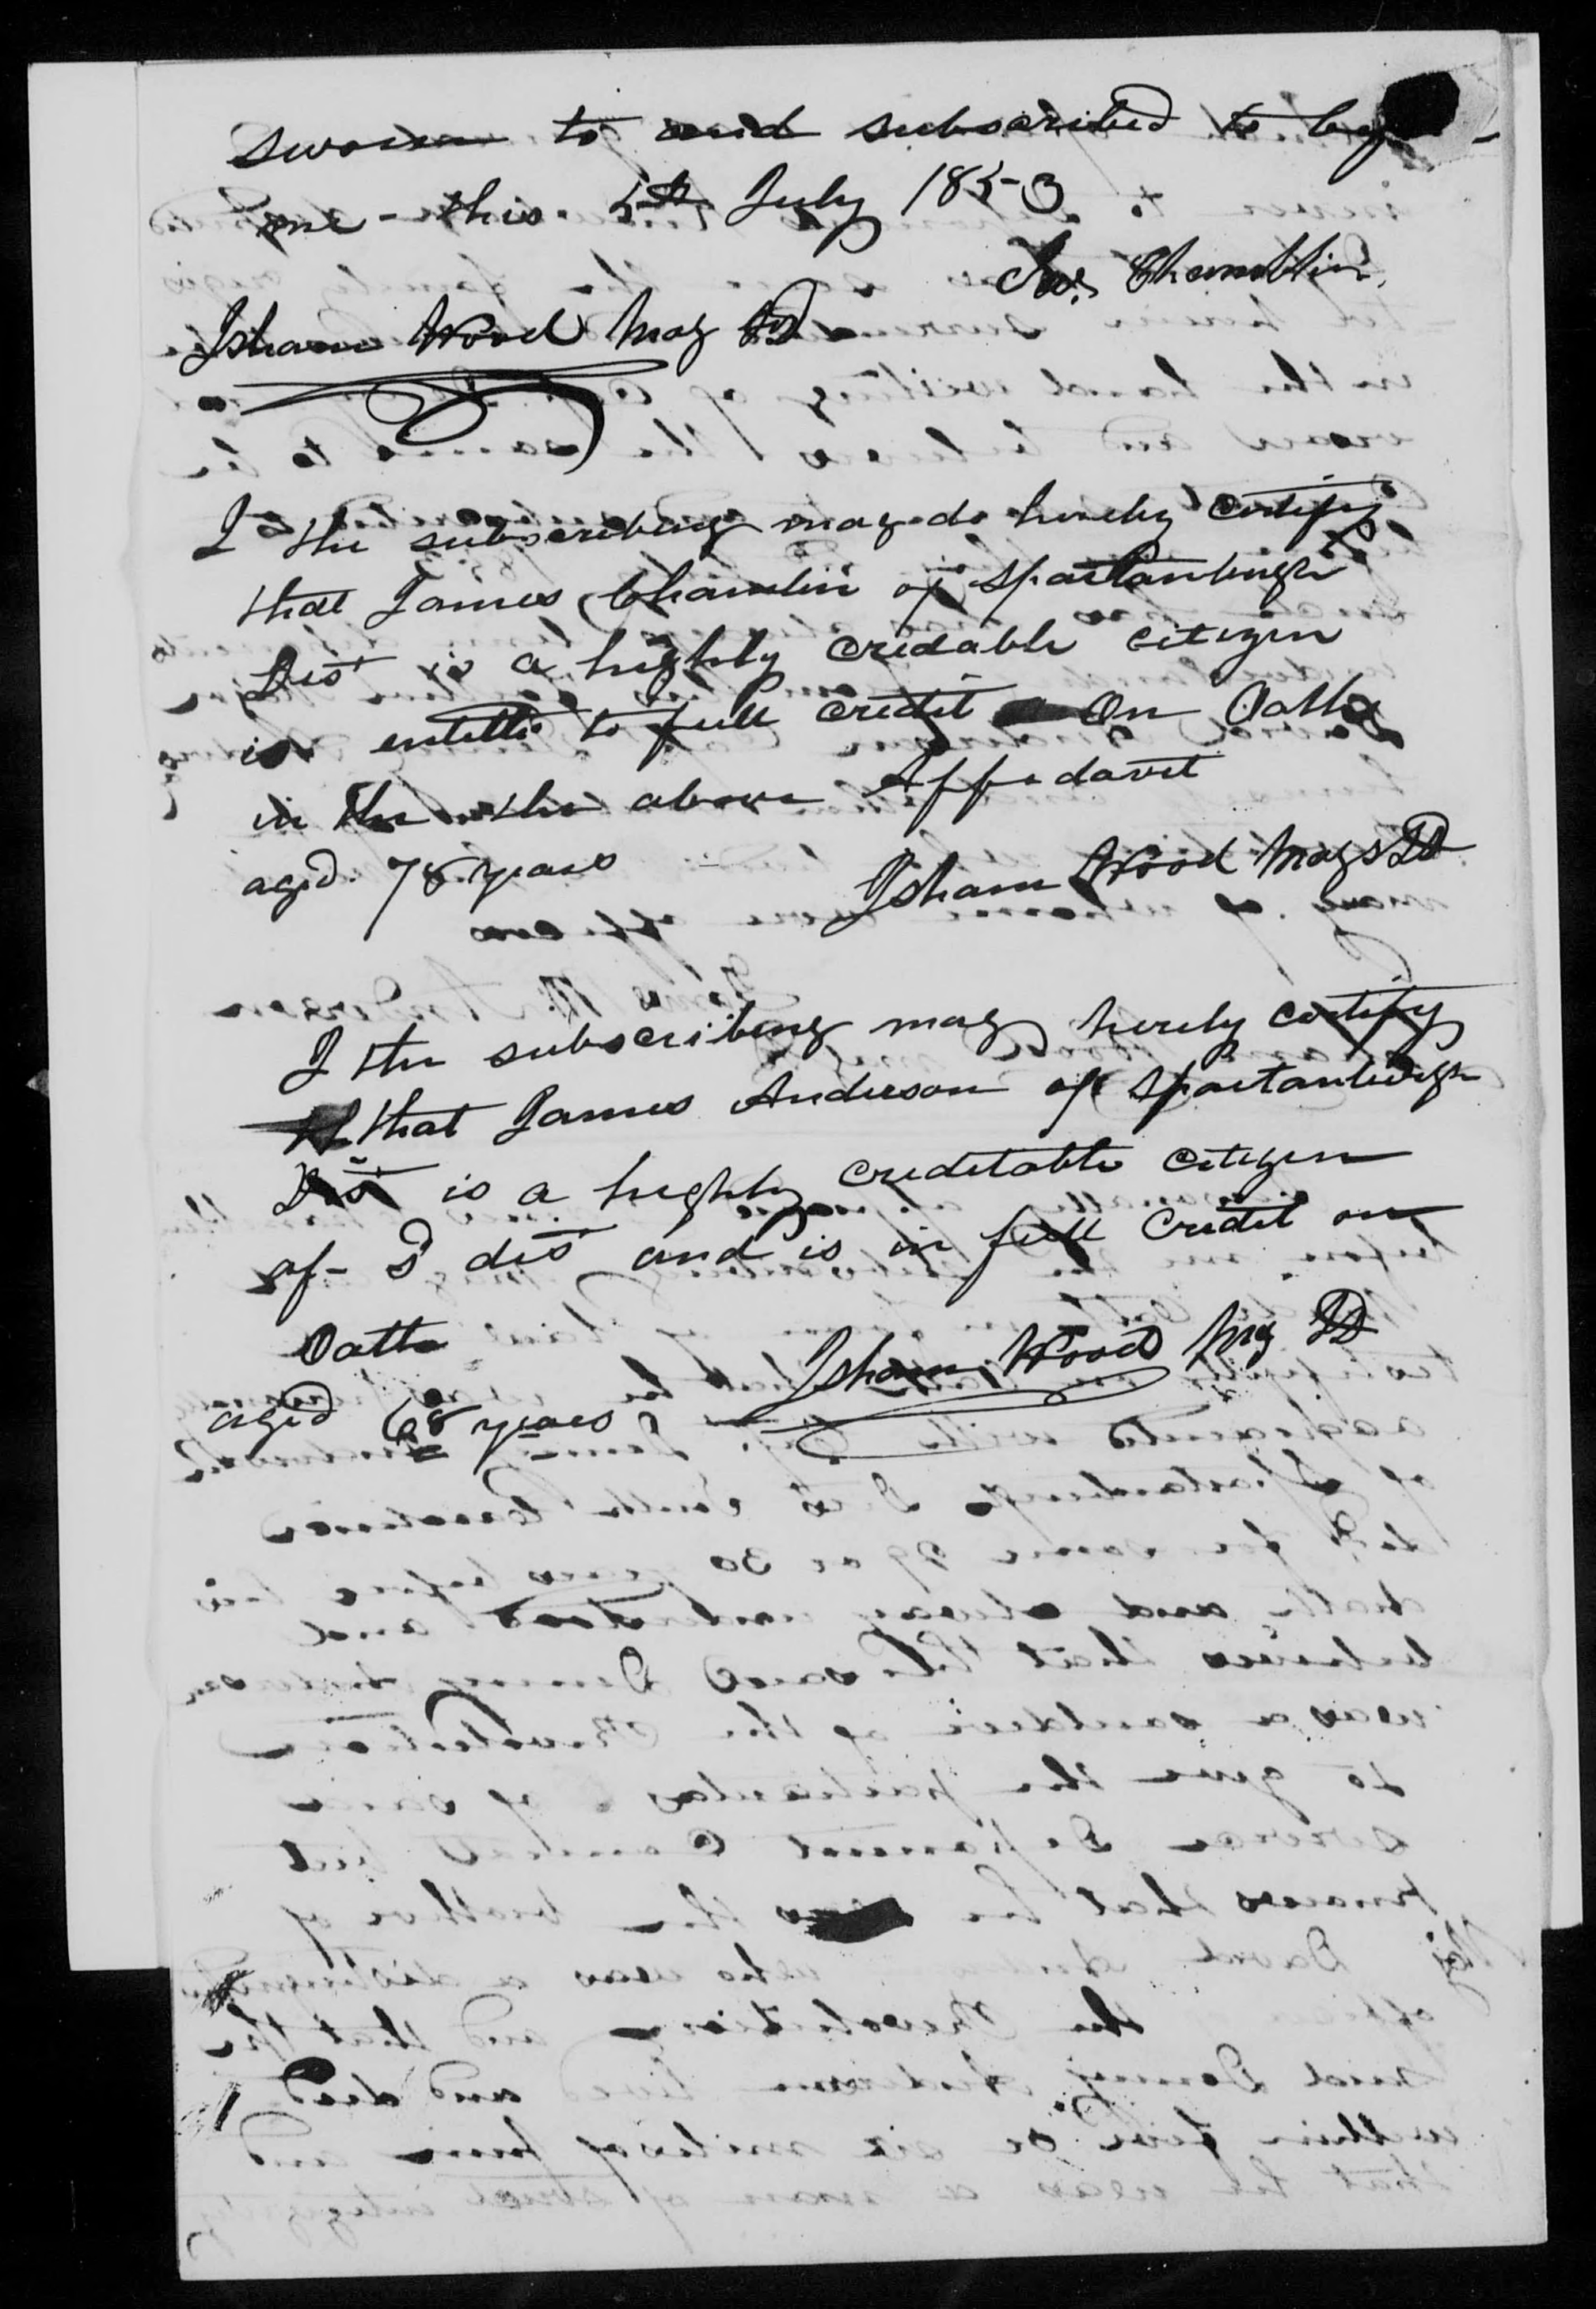sworn to and subscribed to before me this 5th July 1853.
Jas. Chamblin
Isham Wood Mag SD

I the subscribing mag do hereby certify that James Chamblin of Spartanburgh Dist. is a highly cridable citizen is entitled to full credit on oath in the the above Affidavit aged 78 years
Isham Wood Mag SD.

I the subscribing mag hereby certify that James Anderson of Spartanburgh Dist. is a highly creditable citizen of sd dist and is in full credit on oath aged 68 years
Isham Wood Mag SD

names: Isham Wood, James Anderson, James Chamlin, Isham Wood, Isham Wood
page: 11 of 51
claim: widow's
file: W. 9700, Denney Anderson, S.C.